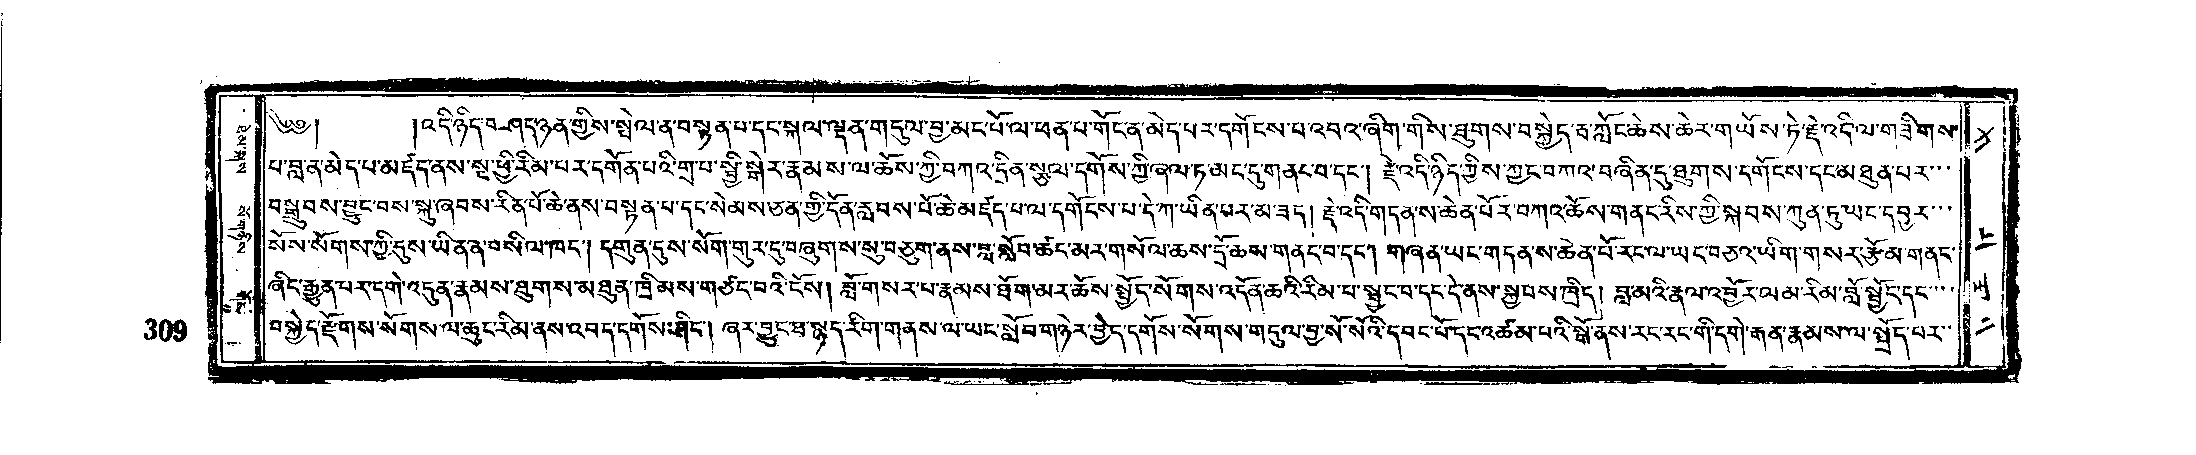༄༅། །འདི་ཉིད་བཤད་ཉན་གྱིས་སྤེལ་ན་བསྟན་པ་དང་སྐལ་ལྡན་གདུལ་བྱ་མང་པོ་ལ་ཕན་པ་གོང་ན་མེད་པར་དགོངས་པ་འབའ་ཞིག་གིས་ཐུགས་བསྐྱེད་རྦ་ཀློང་ཆེས་ཆེར་གཡོས་ཏེ་རྗེ་འདི་ལ་གཟིགས་
པ་བླ་ན་མེད་པ་མཛད་ནས་སྔ་ཕྱི་རིམ་པར་དགོན་པའི་གྲ་པ་སྦྱི་སྒེར་རྣམས་ལ་ཆོས་ཀྱི་བཀའ་དྲིན་སྩལ་དགོས་ཀྱི་ཞལ་ཏ་མང་དུ་གནང་བ་དང་། རྗེ་འདི་ཉིད་ཀྱིས་ཀྱང་བཀའ་བཞིན་དུ་ཐུགས་དགོངས་དང་མཐུན་པར་
བསྒྲུབས་བྱུང་བས་སྐུ་ཞབས་རིན་པོ་ཆེ་ནས་བསྟན་པ་དང་སེམས་ཅན་གྱི་དོན་རླབས་པོ་ཆེ་མཛད་པ་ལ་དགོངས་པ་དེ་ཀ་ཡིན་པར་མ་ཟད། རྗེ་འདི་གདན་ས་ཆེན་པོར་བཀའ་ཆོས་གནང་རིས་ཀྱི་སྐབས་ཀུན་ཏུ་ཡང་དབྱར་
སོས་སོགས་ཀྱི་དུས་ཡིན་ན་བསིལ་ཁང་། དགུན་དུས་སོག་གུར་དུ་བཞུགས་སུ་བཅུག་ནས་བླ་སློབ་ཚང་མར་གསོལ་ཆས་དྲོ་ཆས་གནང་བ་དང་། གཞན་ཡང་གདན་ས་ཆེན་པོ་རང་ལ་ཡང་བཅའ་ཡིག་གསར་རྩོམ་གནང་
ཞིང་རྒྱུན་པར་དགེ་འདུན་རྣམས་ཐུགས་མཐུན་ཁྲིམས་གཙང་བའི་ངོས། བློ་གསར་པ་རྣམས་ཐོག་མར་ཆོས་སྤྱོད་སོགས་འདོན་ཆའི་རིམ་པ་སྦྱང་བ་དང་དེ་ནས་སྐྱབས་ཁྲིད། བླ་མའི་རྣལ་འབྱོར་ལམ་རིམ་བློ་སྦྱོང་དང་
བསྐྱེད་རྫོགས་སོགས་ལ་ཆུང་རིམ་ནས་འབད་དགོས་ཤིང་། ཞར་བྱུང་ཐ་སྙད་རིག་གནས་ལ་ཡང་སློབ་གཉེར་བྱེད་དགོས་སོགས་གདུལ་བྱ་སོ་སོའི་དབང་པོ་དང་འཚམས་པའི་སྒོ་ནས་རང་རང་གི་དགེ་རྒན་རྣམས་ལ་སྤྲོད་པར་